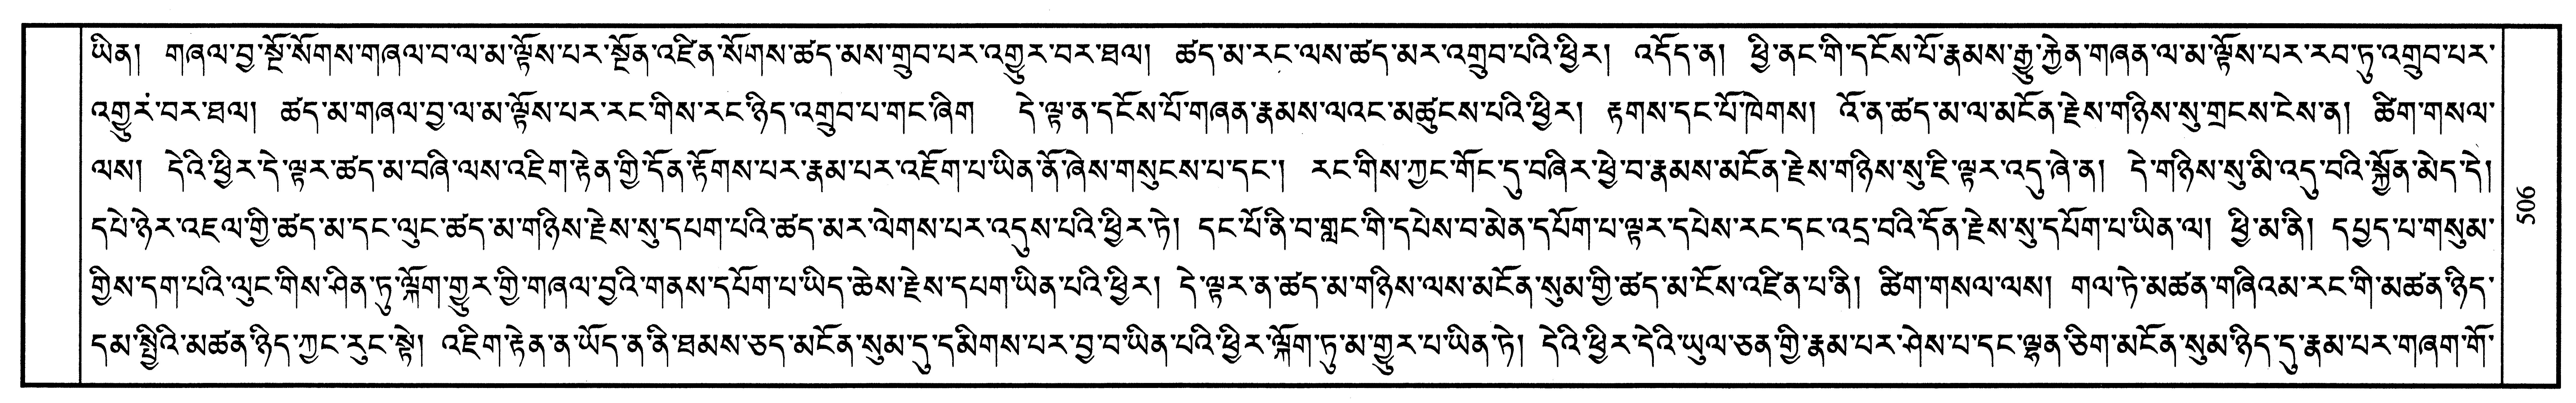ཡིན། གཞལ་བྱ་སྔོ་སོགས་གཞལ་བ་ལ་མ་ལྟོས་པར་སྔོན་འཛིན་སོགས་ཚད་མས་གྲུབ་པར་འགྱུར་བར་ཐལ། ཚད་མ་རང་ལས་ཚད་མར་འགྲུབ་པའི་ཕྱིར། འདོད་ན། ཕྱི་ནང་གི་དངོས་པོ་རྣམས་རྒྱུ་རྐྱེན་གཞན་ལ་མ་ལྟོས་པར་རབ་ཏུ་འགྲུབ་པར་
འགྱུར་བར་ཐལ། ཚད་མ་གཞལ་བྱ་ལ་མ་ལྟོས་པར་རང་གིས་རང་ཉིད་འགྲུབ་པ་གང་ཞིག། དེ་ལྟ་ན་དངོས་པོ་གཞན་རྣམས་ལའང་མཚུངས་པའི་ཕྱིར། རྟགས་དང་པོ་ཁེགས། འོ་ན་ཚད་མ་ལ་མངོན་རྗེས་གཉིས་སུ་གྲངས་ངེས་ན། ཚིག་གསལ་
ལས། དེའི་ཕྱིར་དེ་ལྟར་ཚད་མ་བཞི་ལས་འཇིག་རྟེན་གྱི་དོན་རོགས་པར་རྣམ་པར་འཇོག་པ་ཡིན་ནོ་ཞེས་གསུངས་པ་དང་། རང་གིས་ཀྱང་གོང་དུ་བཞིར་ཕྱེ་བ་རྣམས་མངོན་རྗེས་གཉིས་སུ་ཇི་ལྟར་འདུ་ཞེ་ན། དེ་གཉིས་སུ་མི་འདུ་བའི་སྐྱོན་མེད་དེ།
དཔེ་ཉེར་འཇལ་གྱི་ཚད་མ་དང་ལུང་ཚད་མ་གཉིས་རྗེས་སུ་དཔག་པའི་ཚད་མར་ལེགས་པར་འདུས་པའི་ཕྱིར་ཏེ། དང་པོ་ནི་བ་གླང་གི་དཔེས་བ་མེན་དཔོག་པ་ལྟར་དཔེས་རང་དང་འདྲ་བའི་དོན་རྗེས་སུ་དཔོག་པ་ཡིན་ལ། ཕྱི་མ་ནི། དཔྱད་པ་གསུམ་
གྱིས་དག་པའི་ལུང་གིས་ཤིན་ཏུ་ལྐོག་གྱུར་གྱི་གཞལ་བྱའི་གནས་དཔོག་པ་ཡིད་ཆེས་རྗེས་དཔག་ཡིན་པའི་ཕྱིར། དེ་ལྟར་ན་ཚད་མ་གཉིས་ལས་མངོན་སུམ་གྱི་ཚད་མ་ངོས་འཛིན་པ་ནི། ཚིག་གསལ་ལས། གལ་ཏེ་མཚན་གཞིའམ་རང་གི་མཚན་ཉིད་
དམ་སྤྱིའི་མཚན་ཉིད་ཀྱང་རུང་སྟེ། འཇིག་རྟེན་ན་ཡོད་ན་ནི་ཐམས་ཅད་མངོན་སུམ་དུ་དམིགས་པར་བྱ་བ་ཡིན་པའི་ཕྱིར་ལྐོག་ཏུ་མ་གྱུར་པ་ཡིན་ཏེ། དེའི་ཕྱིར་དེའི་ཡུལ་ཅན་གྱི་རྣམ་པར་ཤེས་པ་དང་ལྷན་ཅིག་མངོན་སུམ་ཉིད་དུ་རྣམ་པར་གཞག་གོ་